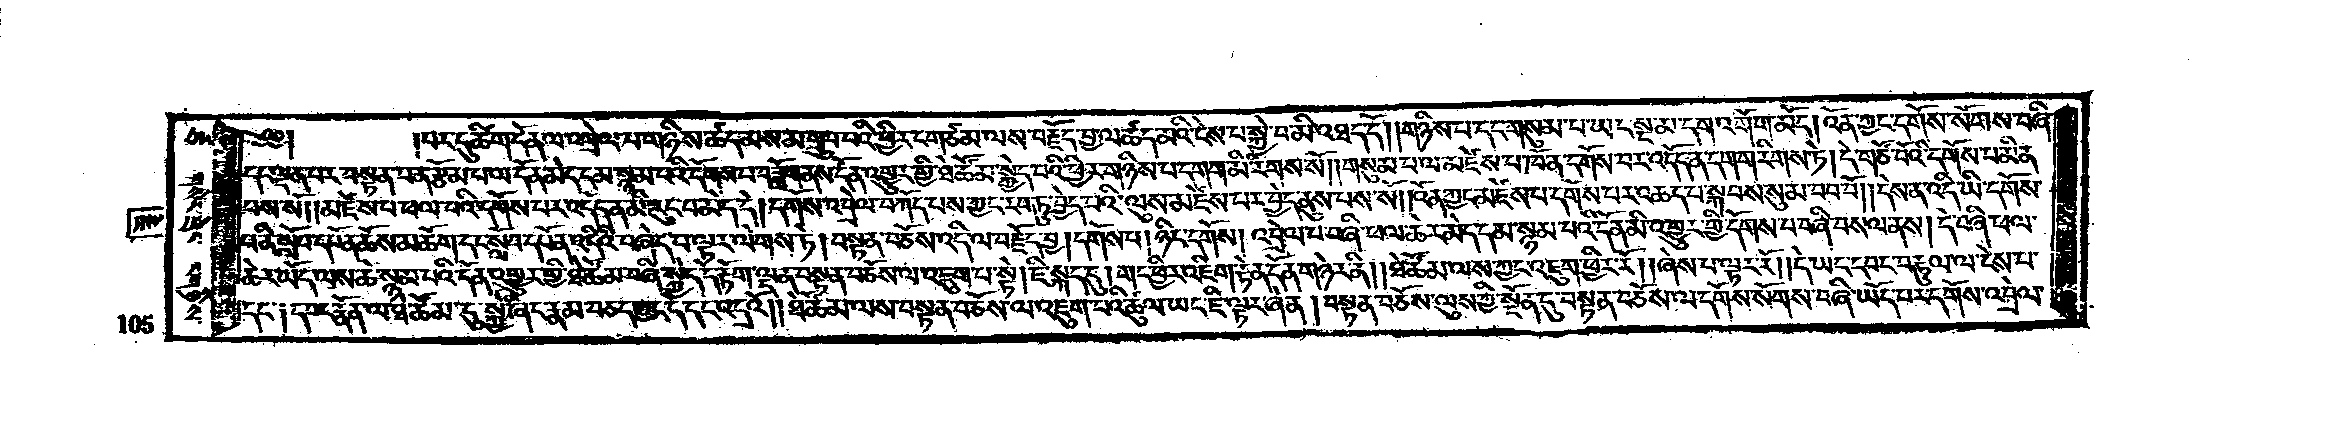༄༅། །པར་དུ་ཚིག་དོན་ལ་འགྲེལ་པ་གཉིས་ཚད་མས་མ་གྲུབ་པའི་ཕྱིར་ངག་ཙམ་ལས་བརྗོད་བྱ་ལ་ཚད་མའི་ངེས་པ་སྐྱེ་བ་མི་འཐད་དོ། །གཉིས་པ་དང་གསུམ་པ་ཡང་སྔ་མ་དག་འགོག་མོད། འོན་ཀྱང་དགོས་སོགས་བཞི་
དང་ལྡན་པར་བསྟན་པ་ན་རྩོམ་པ་ལ་དོན་མེད་དམ་སྙམ་པའི་དོགས་པ་བཟློག་ནས་དོན་འགྱུར་གྱི་ཐེ་ཚོམ་སྐྱེད་པའི་ཕྱིར་གཉིས་པ་དགག་མི་རིགས་སོ། །གསུམ་པ་ལ་མཛེས་པ་ཁོ་ན་དགོས་པར་འདོད་ན་དགག་རིགས་ཏེ། དེ་གཙོ་བོའི་དགོས་པ་མིན་
པས་སོ། །མཛེས་པ་ཕལ་པའི་དགོས་པར་འདོད་ན་མི་རུང་བ་མེད་དེ། དགོས་འབྲེལ་བཀོད་པས་ཀྱང་རབ་ཏུ་བྱེད་པའི་ལུས་མཛེས་པར་བྱེད་ནུས་པས་སོ། །འོན་ཀྱང་མཛེས་པ་དགོས་པར་འཆད་པ་སྐབས་སུ་མ་བབ་བོ། །དེས་ན་འདི་ཡི་དགོས་
པ་ནི་སློབ་དཔོན་ཆོས་མཆོག་དང་སློབ་དཔོན་འདིའི་བཞེད་པ་ལྟར་ལེགས་ཏེ། བསྟན་བཅོས་འདི་ལ་བརྗོད་བྱ། དགོས་པ། ཉིང་དགོས། འབྲེལ་པ་བཞི་ཕལ་ཆེར་མེད་དམ་སྙམ་པའི་དོན་མི་འགྱུར་གྱི་དོགས་པ་བཞི་བསལ་ནས། དེ་བཞི་ཕལ་
ཆེར་ཡོད་ལས་ཆེ་སྙམ་པའི་དོན་འགྱུར་གྱི་ཐེ་ཚོམ་བཞི་སྐྱེད་དེ་རྟོག་ལྡན་བསྟན་བཅོས་ལ་འཇུག་པ་སྟེ། ཇི་སྐད་དུ། གང་ཕྱིར་འཇིག་རྟེན་དོན་གཉེར་ནི། །ཐེ་ཚོམ་ལས་ཀྱང་འཇུག་ཕྱིར་རོ། །ཞེས་པ་ལྟར་རོ། །དེ་ཡང་དབང་བརྟུལ་ལ་ངེས་པ་
དང་། དབང་རྣོན་ལ་ཐེ་ཚོམ་དུ་སྐྱེ་ཞིང་རྣམ་བཅད་ཀྱང་དེ་དང་འདྲའོ། །ཐེ་ཚོམ་ལས་བསྟན་བཅོས་ལ་འཇུག་པའི་ཚུལ་ཡང་ཇི་ལྟར་ཞེ་ན། བསྟན་བཅོས་ལུས་ཀྱི་སྔོན་དུ་བསྟན་བཅོས་ལ་དགོས་སོགས་བཞི་ཡོད་པར་དགོས་འབྲེལ་